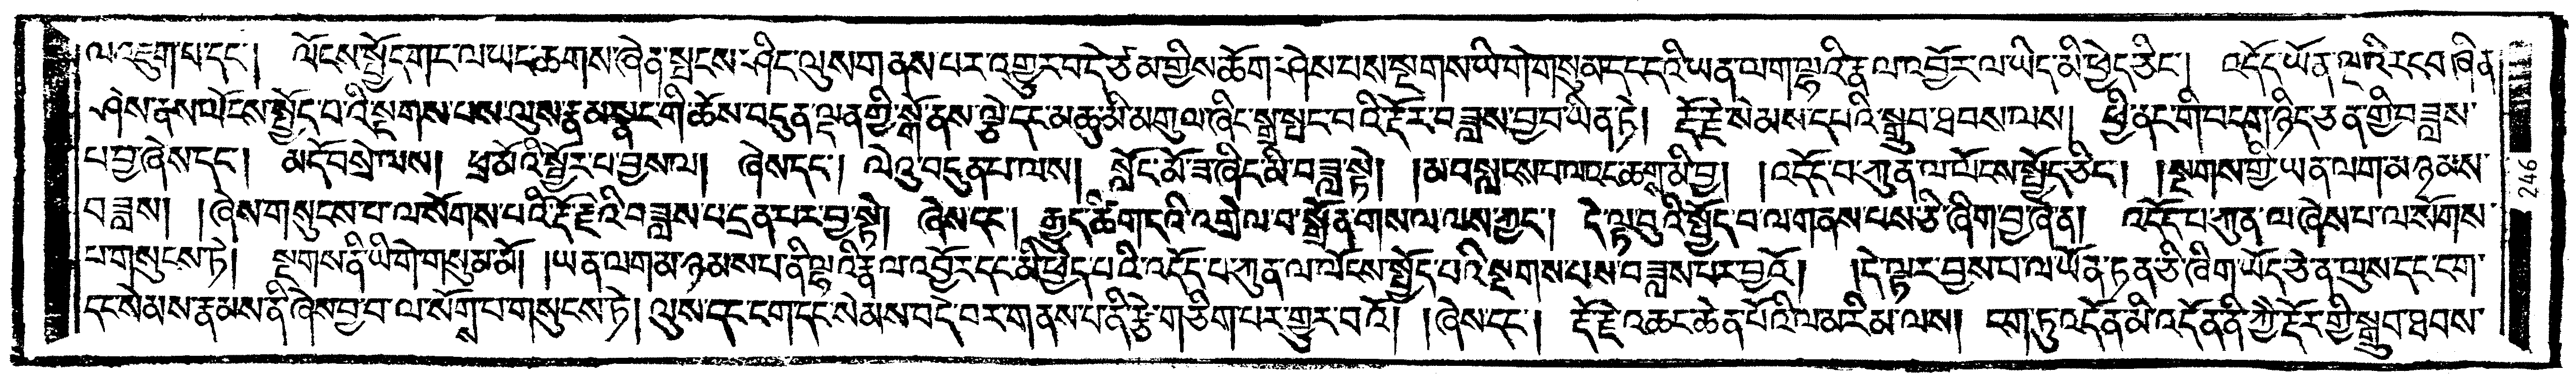ལ་འཇུག་པ་དང་། ལོངས་སྤྱོད་གང་ལ་ཡང་ཆགས་ཞེན་སྤངས་ཤིང་ལུས་གནས་པར་འགྱུར་བ་དེ་ཙམ་གྱིས་ཆོག་ཤེས་པས་སྔགས་ཡི་གེ་གསུམ་དང་ངའི་ཡན་ལག་ལྷའི་རྣལ་འབྱོར་ལ་ཡིད་མི་ཕྱེད་ཅིང་། འདོད་ཡོན་ལྔའི་རང་བཞིན་
ཤེས་ནས་ལོངས་སྤྱོད་པའི་སྔགས་པས་ལུས་རྣམ་སྣང་གི་ཚེས་བདུན་ལྡན་གྱི་སྒོ་ནས་ལྕེ་དང་མཆུ་མི་མགུལ་ཞིང་སྒྲ་སྤང་བའི་རྡོར་བཟླས་བྱ་བ་ཡིན་ཏེ། རྡོ་རྗེ་སེམས་དཔའི་སྒྲུབ་ཐབས་ལས། ཕྱི་ནང་གི་བདག་ཉིད་ཅན་གྱི་བཟླས་
པ་བྱ་ཞེས་དང་། མདོ་བསྲེ་ལས། ཕྲ་མོའི་སྦྱོར་པ་བྱས་ལ། ཞེས་དང་། ལེའུ་བདུན་པ་ལས། སློང་མོ་ཟ་ཞིང་མི་བཟླ་སྟེ། །མ་བསླངས་པ་ལའང་ཆགས་མི་བྱ། །འདོད་པ་ཀུན་ལ་ལོངས་སྤྱོད་ཅིང་། །སྔགས་གྱི་ཡན་ལག་མ་ཉམས་
བཟླས། །ཞེས་གསུངས་པ་ལ་སོགས་པའི་རྡོ་རྗེའི་བཟླས་པ་དྲན་པར་བྱ་སྟེ། ཞེས་དང་། རྒྱུད་ཚིག་དའི་འགྲེལ་བ་སྒྲོན་གསལ་ལས་ཀྱང་། དེ་ལྟ་བུའི་སྤྱོད་པ་ལ་གནས་པས་ཅི་ཞིག་བྱ་ཞེ་ན། འདོད་པ་ཀུན་ལ་ཞེས་པ་ལ་སོགས་
པ་གསུངས་ཏེ། སྔགས་ནི་ཡི་གེ་གསུམ་མོ། །ཡན་ལག་མ་ཉམས་པ་ནི་ལྷའི་རྣལ་འབྱོར་དང་མི་ཕྱེད་པའི་འདོད་པ་ཀུན་ལ་ལོངས་སྤྱོད་པའི་སྔགས་པས་བཟླས་པར་བྱའོ། །དེ་ལྟར་བྱས་པ་ལ་ཡོན་ཏན་ཅི་ཞིག་ཡོད་ཅེ་ན་ལུས་དང་ངག་
དང་སེམས་རྣམས་ནི་ཞེས་བྱ་བ་ལ་སོགས་པ་གསུངས་ཏེ། ལུས་དང་ངག་དང་སེམས་བདེ་བར་གནས་པ་ནི་རྩེ་གཅིག་པར་གྱུར་པའོ། །ཞེས་དང་། རྡོ་རྗེ་འཆང་ཆེན་པོའི་ལམ་རིམ་ལས། ངག་ཏུ་འདོན་མི་འདོན་ནི་ཀྱཻ་རྡོར་གྱི་སྒྲུབ་ཐབས་